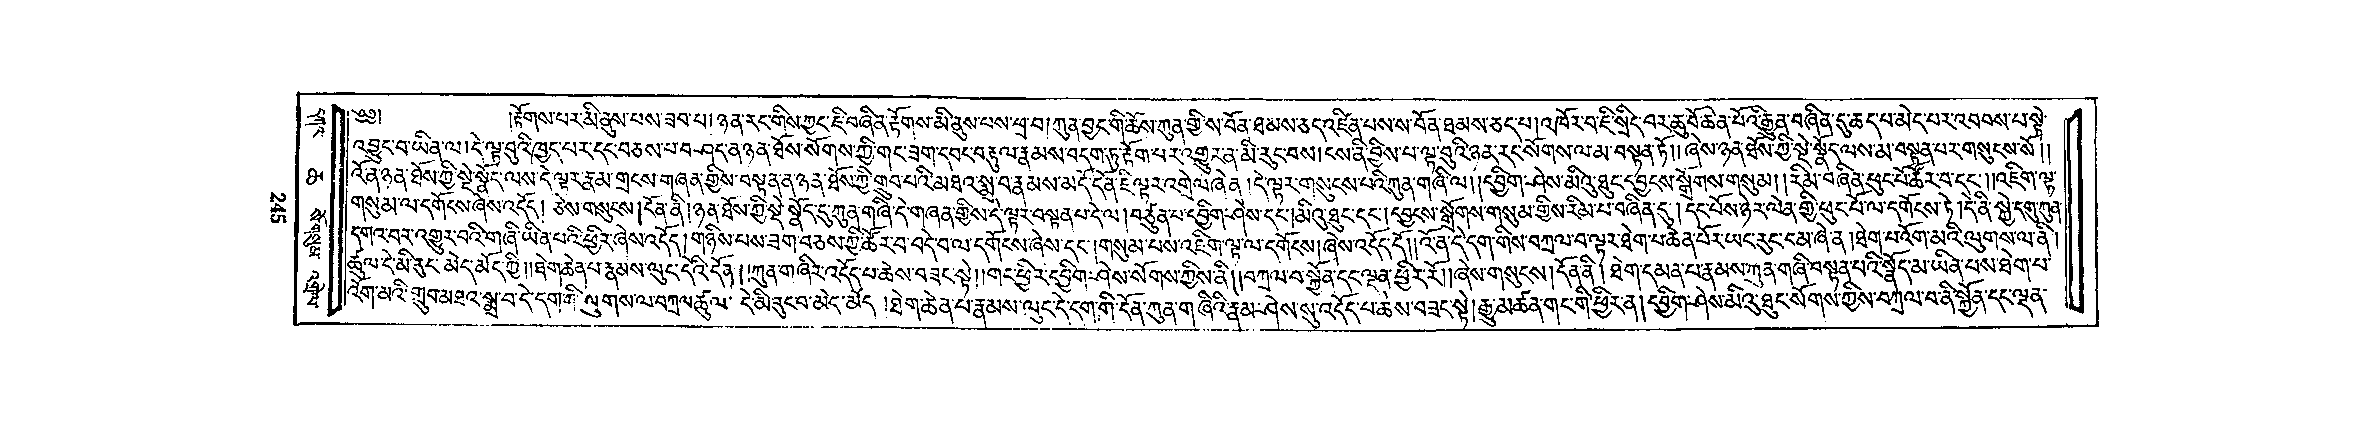༄༅། །རྟོགས་པར་མི་ནུས་པས་ཟབ་པ། ཉན་རང་གིས་ཀྱང་ཇི་བཞིན་རྟོགས་མི་ནུས་པས་ཕྲ་བ། ཀུན་བྱང་གི་ཆོས་ཀུན་གྱི་ས་བོན་ཐམས་ཅད་འཛིན་པས་ས་བོན་ཐམས་ཅད་པ། འཁོར་བ་ཇི་སྲིད་བར་ཆུ་བོ་ཆེན་པོའི་རྒྱུན་བཞིན་དུ་ཆད་པ་མེད་པར་འབབས་པ་སྟེ་
འབྱུང་བ་ཡིན་ལ། དེ་ལྟ་བུའི་ཁྱད་པར་དང་བཅས་པ་བཤད་ན་ཉན་ཐོས་སོགས་ཀྱི་གང་ཟག་དབང་བརྟུལ་རྣམས་བདག་ཏུ་རྟོག་པར་འགྱུར་ན་མི་རུང་བས། ངས་ནི་བྱིས་པ་ལྟ་བུའི་ཉན་རང་སོགས་ལ་མ་བསྟན་ཏོ། །ཞེས་ཉན་ཐོས་ཀྱི་སྡེ་སྣོད་ལས་མ་བསྟན་པར་གསུངས་སོ།
འོ་ན་ཉན་ཐོས་ཀྱི་སྡེ་སྣོད་ལས་དེ་ལྟར་རྣམ་གྲངས་གཞན་གྱིས་བསྟན་ན་ཉན་ཐོས་ཀྱི་གྲུབ་པའི་མཐའ་སྨྲ་བ་རྣམས་མདོ་དོན་ཇི་ལྟར་འགྲེལ་ཞེ་ན། དེ་ལྟར་གསུངས་པའི་ཀུན་གཞི་ལ། །དབྱིག་ཤེས་མིའུ་ཐུང་དབྱངས་སྒྲོགས་གསུམ། །རིམ་བཞིན་ཕུང་པོ་ཚོར་བ་དང་། །འཇིག་ལྟ་
གསུམ་ལ་དགོངས་ཞེས་འདོད། ཅེས་གསུངས། དོན་ནི། ཉན་ཐོས་ཀྱི་སྡེ་སྣོད་དུ་ཀུན་གཞི་དེ་གཞན་གྱིས་དེ་ལྟར་བསྟན་པ་དེ་ལ། བཙུན་པ་དབྱིག་ཤེས་དང་། མིའུ་ཐུང་དང་། དབྱངས་སྒྲོགས་གསུམ་གྱིས་རིམ་པ་བཞིན་དུ། དང་པོས་ཉེར་ལེན་གྱི་ཕུང་པོ་ལ་དགོངས་ཏེ། དེ་ནི་སྐྱེ་དགུ་ཀུན་
དགའ་བར་འགྱུར་བའི་གཞི་ཡིན་པའི་ཕྱིར་ཞེས་འདོད། གཉིས་པས་ཟག་བཅས་ཀྱི་ཚོར་བ་བདེ་བ་ལ་དགོངས་ཞེས་དང་། གསུམ་པས་འཇིག་ལྟ་ལ་དགོངས། ཞེས་འདོད་དོ། འོ་ན་དེ་དག་གིས་བཀྲལ་བ་ལྟར་ཐེག་པ་ཆེན་པོར་ཡང་རུང་ངམ་ཞེ་ན། ཐེག་པ་འོག་མའི་ལུགས་ལ་ནི།
ཚུལ་དེ་མི་རུང་མེད་མོད་ཀྱི། །ཐེག་ཆེན་པ་རྣམས་ལུང་དེའི་དོན། ཀུན་གཞིར་འདོད་པ་ཆེས་བཟང་སྟེ། །གང་ཕྱིར་དབྱིག་ཤེས་སོགས་ཀྱིས་ནི། །བཀྲལ་བ་སྐྱོན་དང་ལྡན་ཕྱིར་རོ། །ཞེས་གསུངས། དོན་ནི། ཐེག་དམན་པ་རྣམས་ཀུན་གཞི་བསྟན་པའི་སྣོད་མ་ཡིན་པས་ཐེག་པ་
འོག་མའི་གྲུབ་མཐའ་སྨྲ་བ་དེ་དག་གི་ལུགས་ལ་བཀྲལ་ཚུལ་དེ་མི་རུང་བ་མེད་མོད། ཐེག་ཆེན་པ་རྣམས་ལུང་དེ་དག་གི་དོན་ཀུན་གཞིའི་རྣམ་ཤེས་སུ་འདོད་པ་ཆེས་བཟང་སྟེ། རྒྱུ་མཚན་གང་གི་ཕྱིར་ན། དབྱིག་ཤེས་མིའུ་ཐུང་སོགས་ཀྱིས་བཀྲལ་བ་ནི་སྐྱོན་དང་ལྡན་